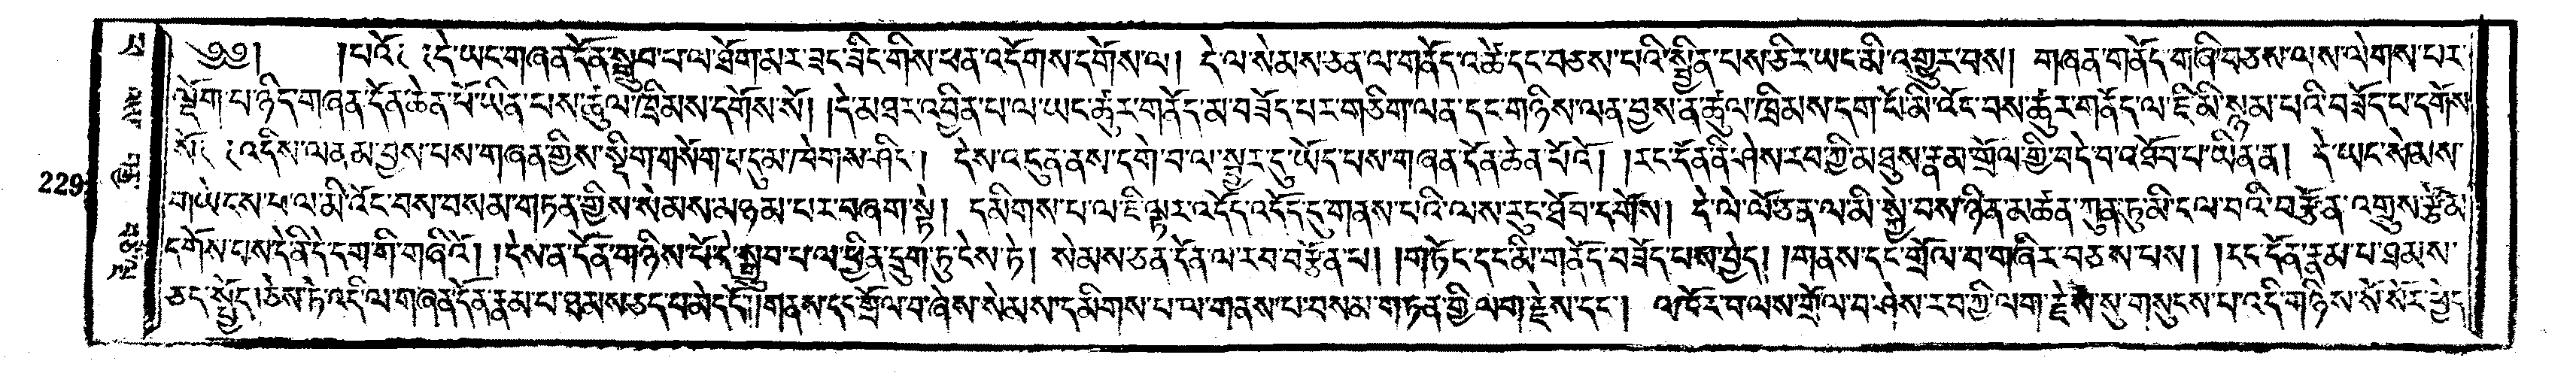༄༅། །པའོ༑ ༑དེ་ཡང་གཞན་དོན་སྒྲུབ་པ་ལ་ཐོག་མར་ཟང་ཟིང་གིས་ཕན་འདོགས་དགོས་ལ། དེ་ལ་སེམས་ཅན་ལ་གནོད་འཚེ་དང་བཅས་པའི་སྦྱིན་པས་ཅིར་ཡང་མི་འགྱུར་བས། གཞན་གནོད་གཞི་བཅས་ལས་ལེགས་པར་
ལྡོག་པ་ཉིད་གཞན་དོན་ཆེན་པོ་ཡིན་པས་ཚུལ་ཁྲིམས་དགོས་སོ། །དེ་མཐར་འབྱིན་པ་ལ་ཡང་ཚུར་གནོད་མ་བཟོད་པར་གཅིག་ལན་དང་གཉིས་ལན་བྱས་ན་ཚུལ་ཁྲིམས་དག་པོ་མི་འོང་བས་ཚུར་གནོད་ལ་ཇི་མི་སྙམ་པའི་བཟོད་པ་དགོས་
སོ༑ ༑འདིས་ལན་མ་བྱས་པས་གཞན་གྱིས་སྡིག་གསོག་ཕ་དུ་མ་ཁེགས་ཤིང་། དེས་འདུན་ནས་དགེ་བ་ལ་སྦྱར་དུ་ཡོད་པས་གཞན་དོན་ཆེན་པོའོ། །རང་དོན་ནི་ཤེས་རབ་ཀྱི་མཐུས་རྣམ་གྲོལ་གྱི་བདེ་བ་འཐོབ་པ་ཡིན་ན། དེ་ཡང་སེམས་
གཡེངས་ཕ་ལ་མི་འོང་བས་བསམ་གཏན་གྱིས་སེམས་མཉམ་པར་བཞག་སྟེ། དམིགས་པ་ལ་ཇི་ལྟར་འདོད་འདོད་དུ་གནས་པའི་ལས་རུང་ཐོབ་དགོས། དེ་ལེ་ལོ་ཅན་ལ་མི་སྐྱེ་བས་ཉིན་མཚན་ཀུན་ཏུ་མི་ངལ་བའི་བརྩོན་འགྲུས་རྩེམ་
དགོས་པས་དེ་ནི་དེ་དག་གི་གཞིའོ། །དེས་ན་དོན་གཉིས་པོ་དེ་སྒྲུབ་པ་ལ་ཕྱིན་དྲུག་ཏུ་ངེས་ཏེ། སེམས་ཅན་དོན་ལ་རབ་བརྩོན་པ། །གཏོང་དང་མི་གནོད་བཟོད་པས་བྱེད། །གནས་དང་གྲོལ་བ་གཞིར་བཅས་པས། །རང་དོན་རྣམ་པ་ཐམས་
ཅད་སྤྱོད། ཅེས་ཏེ་འདི་ལ་གཞན་དོན་རྣམ་པ་ཐམས་ཅད་པ་མེད་དོ། །གནས་དང་གྲོལ་བ་ཞེས་སེམས་དམིགས་པ་ལ་གནས་པ་བསམ་གཏན་གྱི་ལག་རྗེས་དང་། འཁོར་བ་ལས་གྲོལ་བ་ཤེས་རབ་ཀྱི་ལག་རྗེས་སུ་གསུངས་པ་འདི་གཉིས་སོ་སོར་ཕྱེད་